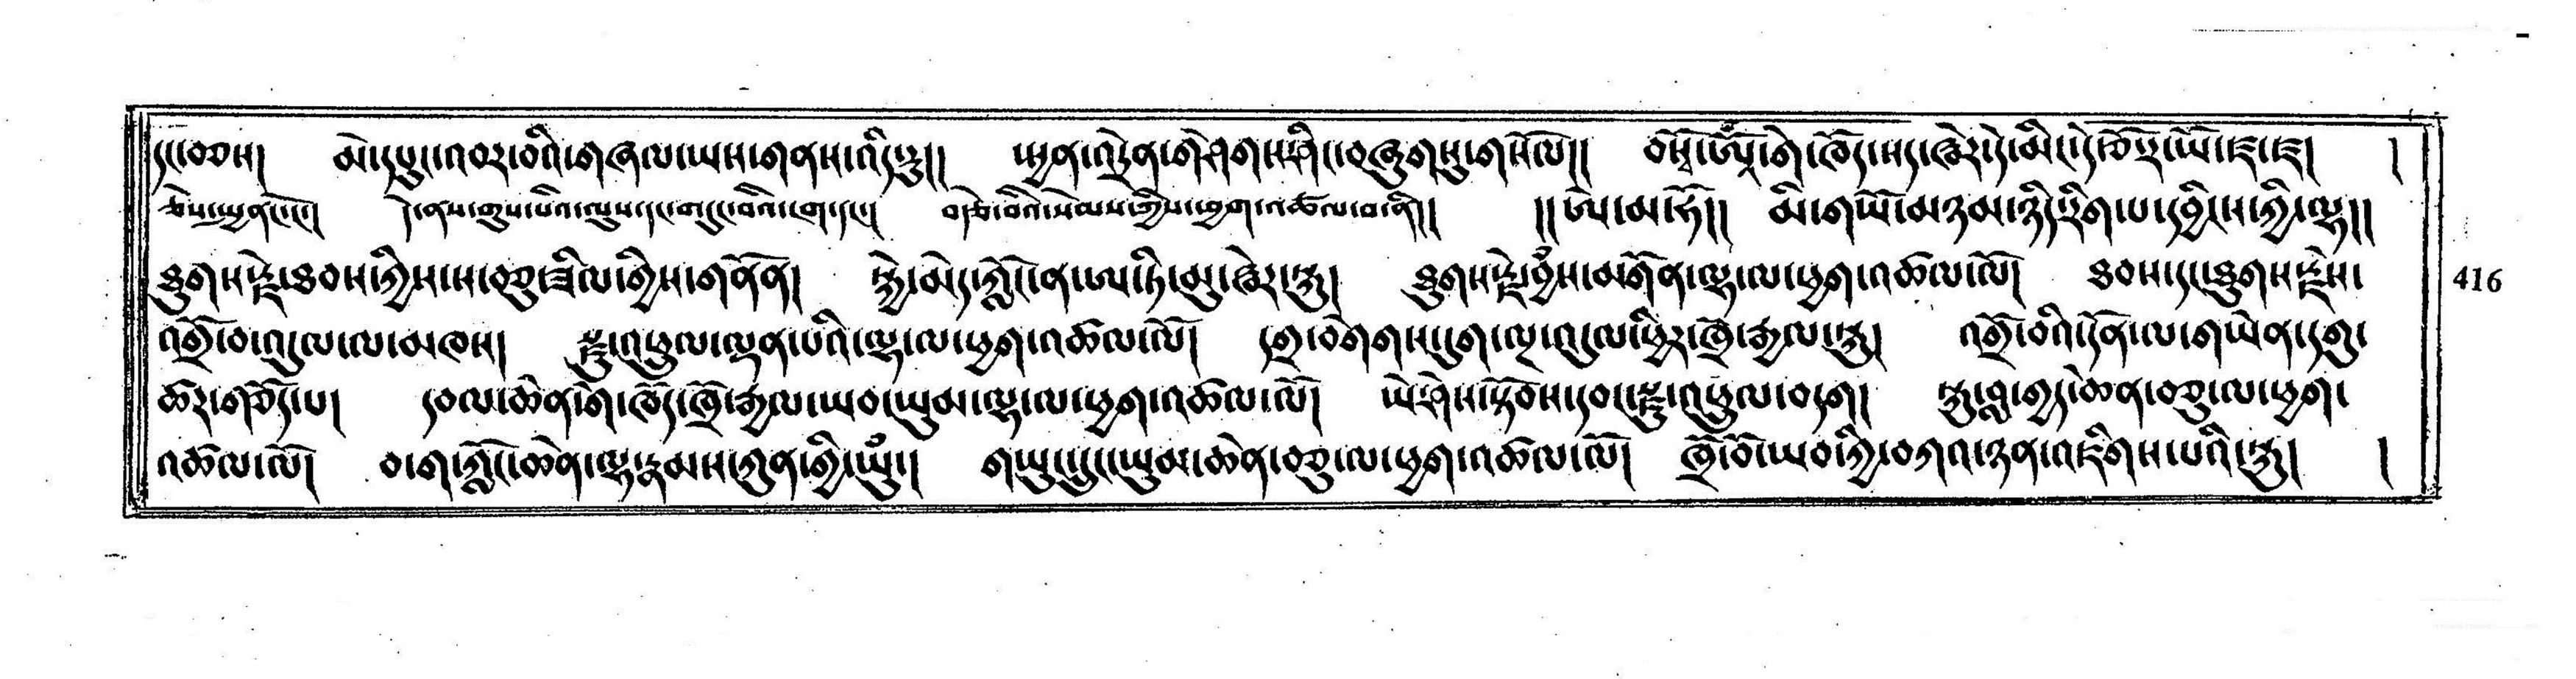དང་བཅས། མེ་དཔུང་འབར་བའི་གཞལ་ཡས་གནས་འདི་རུ། སྤྱན་འདྲེན་གཤེགས་ཤིང་བཞུགས་སུ་གསོལ།། བསྭོ་ཨཱོཾ་གེ་ཁོད་སད་ཝེར་{426}དེ་མིང་དེ་ཅོ་ར་ཡོ་ཛ་ཛ། 
ཅེས་སྤྱན་དྲང་ངོ་། །དེ་ནས་གུས་པའི་ལུས་དང་གདུང་བའི་ངག་དང་། བརྩེ་བའི་སེམས་ཀྱིས་ཕྱག་འཚལ་བ་ནི།། ཨེ་མ་ཧོ། མི་གཡོ་མཉམ་ཉིད་རིག་པ་དབྱིངས་ཀྱི་ལྷ།། 
ཐུགས་རྗེ་ཐབས་ཀྱིས་ས་བཅུ་ཟིལ་གྱིས་གནོན། སྐྱེ་མེད་ཀློང་ན་ཨ་ཏི་མུ་ཝེར་སྐུ། ཐུགས་རྗེ་བྱམས་མགོན་ལྷ་ལ་ཕྱག་འཚལ་ལོ། ཐབས་དང་ཐུགས་རྗེས་
འགྲོ་བ་འདུལ་ལ་མཁས། རྫུ་འཕྲུལ་ལྡན་པའི་ལྷ་ལ་ཕྱག་འཚལ་ལོ། དགྲ་བགེགས་དུག་ལྔ་འདུལ་ཕྱིར་ཁྲོ་རྒྱལ་སྐུ། འགྲོ་བའི་དོན་ལ་གཡེན་དགུ་
ཚར་གཅོད་པ། དབལ་ཆེན་གེ་ཁོད་ཁྲོ་རྒྱལ་ཡབ་ཡུམ་ལྷ་ལ་ཕྱག་འཚལ་ལོ། ཡེ་ཤེས་སྟོབས་དབང་རྫུ་འཕྲུལ་མཐུ་རྩལ་བདག །སྐུ་བླ་གྱད་ཆེན་བཅུ་ལ་ཕྱག་
འཚལ་ལོ། བ་ག་ཀློང་ཆེན་ལྷ་རྣམས་ཀུན་གྱི་ཡུམ། གཡུང་དྲུང་ཡུམ་ཆེན་བཅུ་ལ་ཕྱག་འཚལ་ལོ། ཁྲོ་བོ་ཡབ་ཀྱི་བཀའ་ཉན་འཇིགས་པའི་སྐུ།